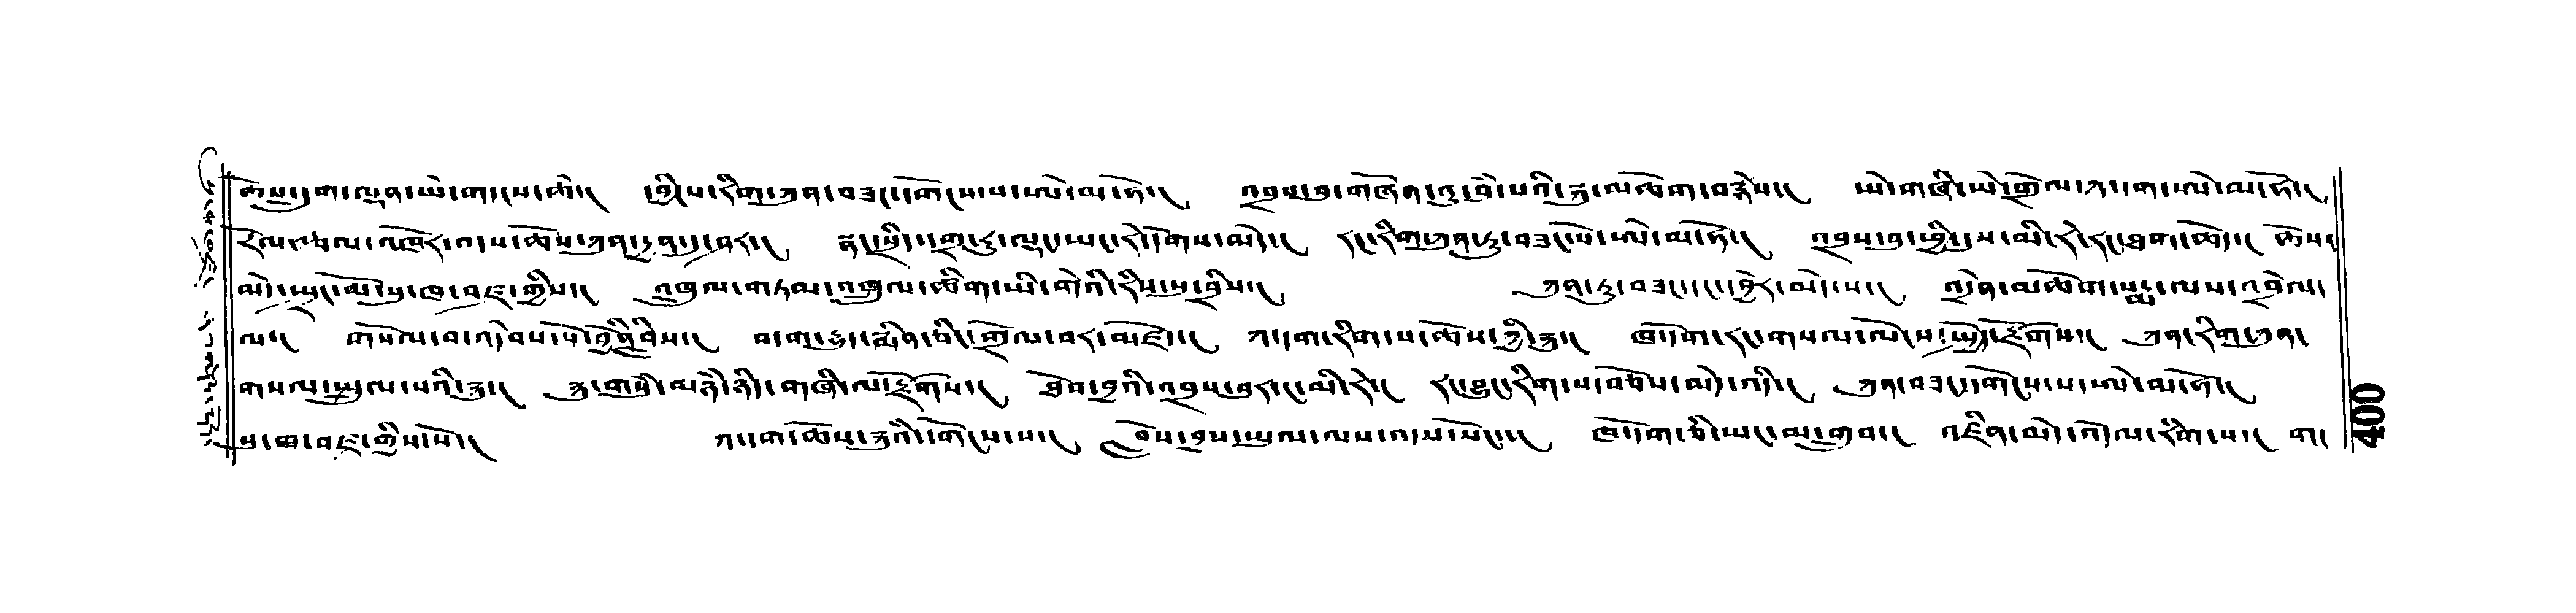ཆོས་དྲུག་ལྡན་ཡེ་གདངས་ཆེ། །དབྱིངས་རིག་ཀུན་བཟང་དགོངས་པ་ཨེ་མ་ཧོ། །འབྲས་བུ་གཞོན་ནུ་བུམ་པའི་སྐུ་མཆོག་བརྙེས། །ཡེ་གཞི་ཡེ་གྲོལ་ཀ་དག་ཨེ་མ་ཧོ། །
རོལ་རྩལ་འཁོར་འདས་ཆོས་ཀུན་རྒྱན་དུ་ཤར། །སྣང་སྲིད་དགྲ་རུ་ལྡང་ཡང་རེ་དོགས་མེད། །རང་རིག་ཀུན་ཏུ་བཟང་པོ་ཨེ་མ་ཧོ། །འབྲས་བུ་ཕྱི་དུས་མི་རེ་རང་ཐག་ཆོད། །ཆོས་
མེད་སྤྲང་མོ་སུ་ཁ་བཛྲ་གྱིས། །འཁྲུལ་གཏམ་འཁྲུལ་ཚིག་ཡི་གེའི་རིས་སུ་བྲིས།། ཀུན་ཏུ་བཟང་དང་དབྱེར་མེད་པ། །འདྲེན་མཆོག་པདྨ་ལས་འབྲེལ་
ལ། །གསོལ་བ་འདེབས་སོ་བྱིན་གྱིས་རློབས། །བདག་རྒྱུད་སྨིན་ཅིང་གྲོལ་བར་མཛོད། །ཀ་དག་རིག་པ་ཆོས་ཀྱི་སྐུ། ཁ་དོག་རང་གསལ་ལོངས་སྤྱོད་རྫོགས། །ཀུན་རིག་ཀུན་
གསལ་སྤྲུལ་པའི་སྐུ། །སྐུ་གསུམ་མཉམ་ཉིད་གཞི་ལ་རྫོགས། །ཐོབ་བྱའི་འབྲས་བུར་ང་མི་རེ། །རང་བྱུང་རིག་པ་བཅོས་མེད་འདི། །ཀུན་བཟང་དགོངས་པ་ཨེ་མ་ཧོ། 
སུ་ཁ་བཛྲ་གྱིས་སོ།། ཀ་དག་ཆོས་སྐུའི་དགོངས་པ། །བློས་བྱས་ཡུལ་ལས་འདས་སོང་། ཁ་དོག་ཅིར་ཡང་མ་གྲུབ། །འཛིན་མེད་འོད་གསལ་རིག་པ། །ག་